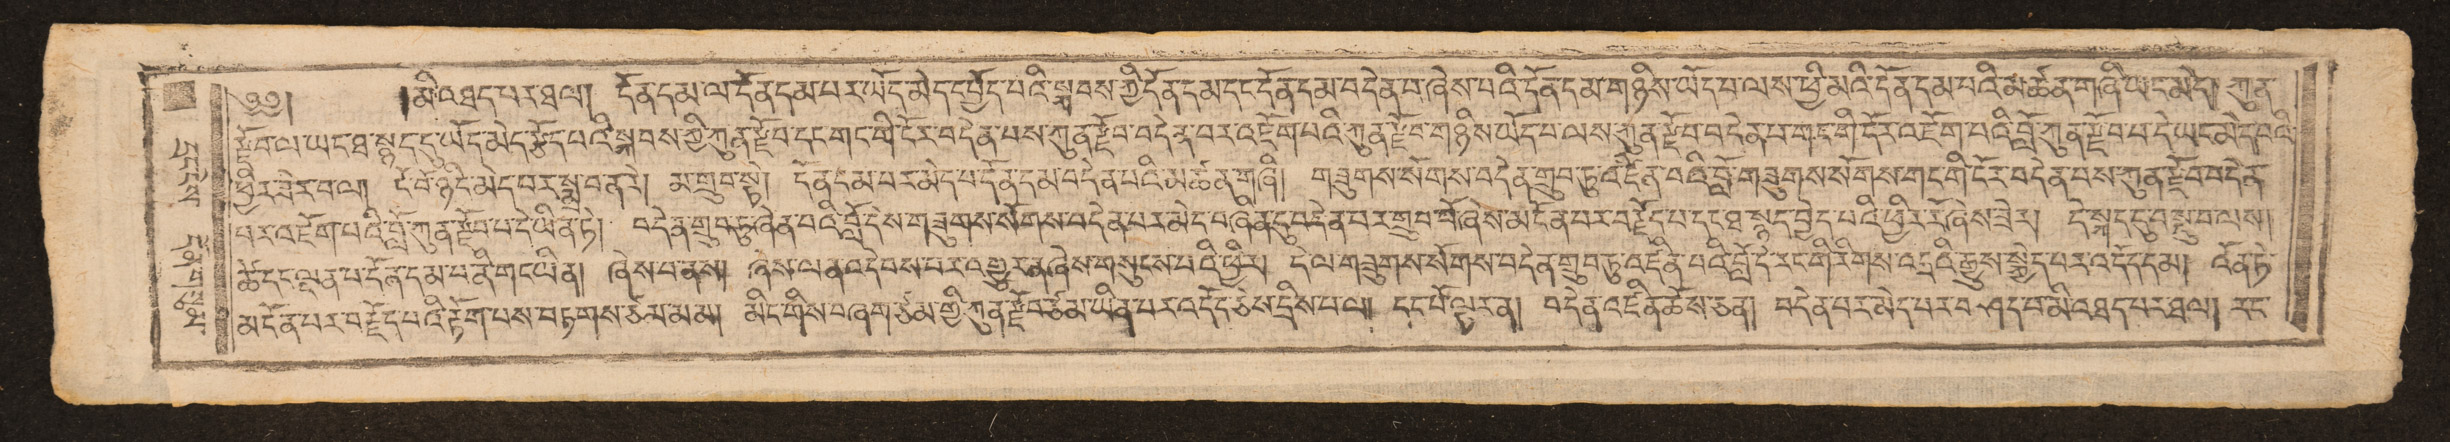༄༅། །མི་འཐད་པར་ཐལ། དོན་དམ་ལ་དོན་དམ་པར་ཡོད་མེད་དཔྱོད་པའི་སྐབས་ཀྱི་དོན་དམ་དང་དོན་དམ་བདེན་པ་ཞེས་པའི་དོན་དམ་གཉིས་ཡོད་པ་ལས་ཕྱི་མའི་དོན་དམ་པའི་མཚན་གཞི་ཡང་མེད། ཀུན་
རྫོབ་ལ་ཡང་ཐ་སྙད་དུ་ཡོད་མེད་རྩོད་པའི་སྐབས་ཀྱི་ཀུན་རྫོབ་དང་གང་གི་ངོར་བདེན་པས་ཀུན་རྫོབ་བདེན་པར་འཇོག་པའི་ཀུན་རྫོབ་གཉིས་ཡོད་པ་ལས་ཀུན་རྫོབ་བདེན་པ་གང་གི་ངོར་འཇོག་པའི་བློ་ཀུན་རྫོབ་པ་དེ་ཡང་མེད་པའི་
ཕྱིར་ཟེར་བ་ལ། ངོ་བོ་ཉིད་མེད་པར་སྨྲ་བ་ན་རེ། མ་གྲུབ་སྟེ། དོན་དམ་པར་མེད་པ་དོན་དམ་བདེན་པའི་མཚན་གཞི། གཟུགས་སོགས་བདེན་གྲུབ་ཏུ་འཛིན་པའི་བློ་གཟུགས་སོགས་གང་གི་ངོར་བདེན་བས་ཀུན་རྫོབ་བདེན་
པར་འཇོག་པའི་བློ་ཀུན་རྫོབ་པ་དེ་ཡིན་ཏེ། བདེན་གྲུབ་ཏུ་ཞེན་པའི་བློ་དེས་གཟུགས་སོགས་བདེན་པར་མེད་བཞིན་དུ་བདེན་པར་གྲུབ་པོ་ཞེས་མངོན་པར་བརྗོད་པ་དང་ཐ་སྙད་བྱེད་པའི་ཕྱིར་རོ་ཞེས་ཟེར། དེ་སྐད་དུ་བསྡུ་བ་ལས།
ཚེ་དང་ལྡན་པ་དོན་དམ་པ་ནི་གང་ཡིན། ཞེས་པ་ནས། ཞེས་ལན་འདེབས་པར་འགྱུར་ན་ཞེས་གསུངས་པའི་ཕྱིར། དེ་ལ་གཟུགས་སོགས་བདེན་གྲུབ་ཏུ་འཛིན་པའི་བློ་དེ་རང་གི་རིགས་འདྲའི་རྒྱུས་སྐྱེད་པར་འདོད་དམ། འོ་ན་ཏེ་
མངོན་པར་བརྗོད་པའི་རྟོག་པས་བཏགས་ཙམ་མམ། མིང་གིས་བཞག་ཙམ་གྱི་ཀུན་རྫོབ་ཙམ་ཡིན་པར་འདོད་ཅེས་དྲིས་པ་ལ། དང་པོ་ལྟར་ན། བདེན་འཛིན་ཆོས་ཅན། བདེན་པར་མེད་པར་བཤད་པ་མི་འཐད་པར་ཐལ། རང་